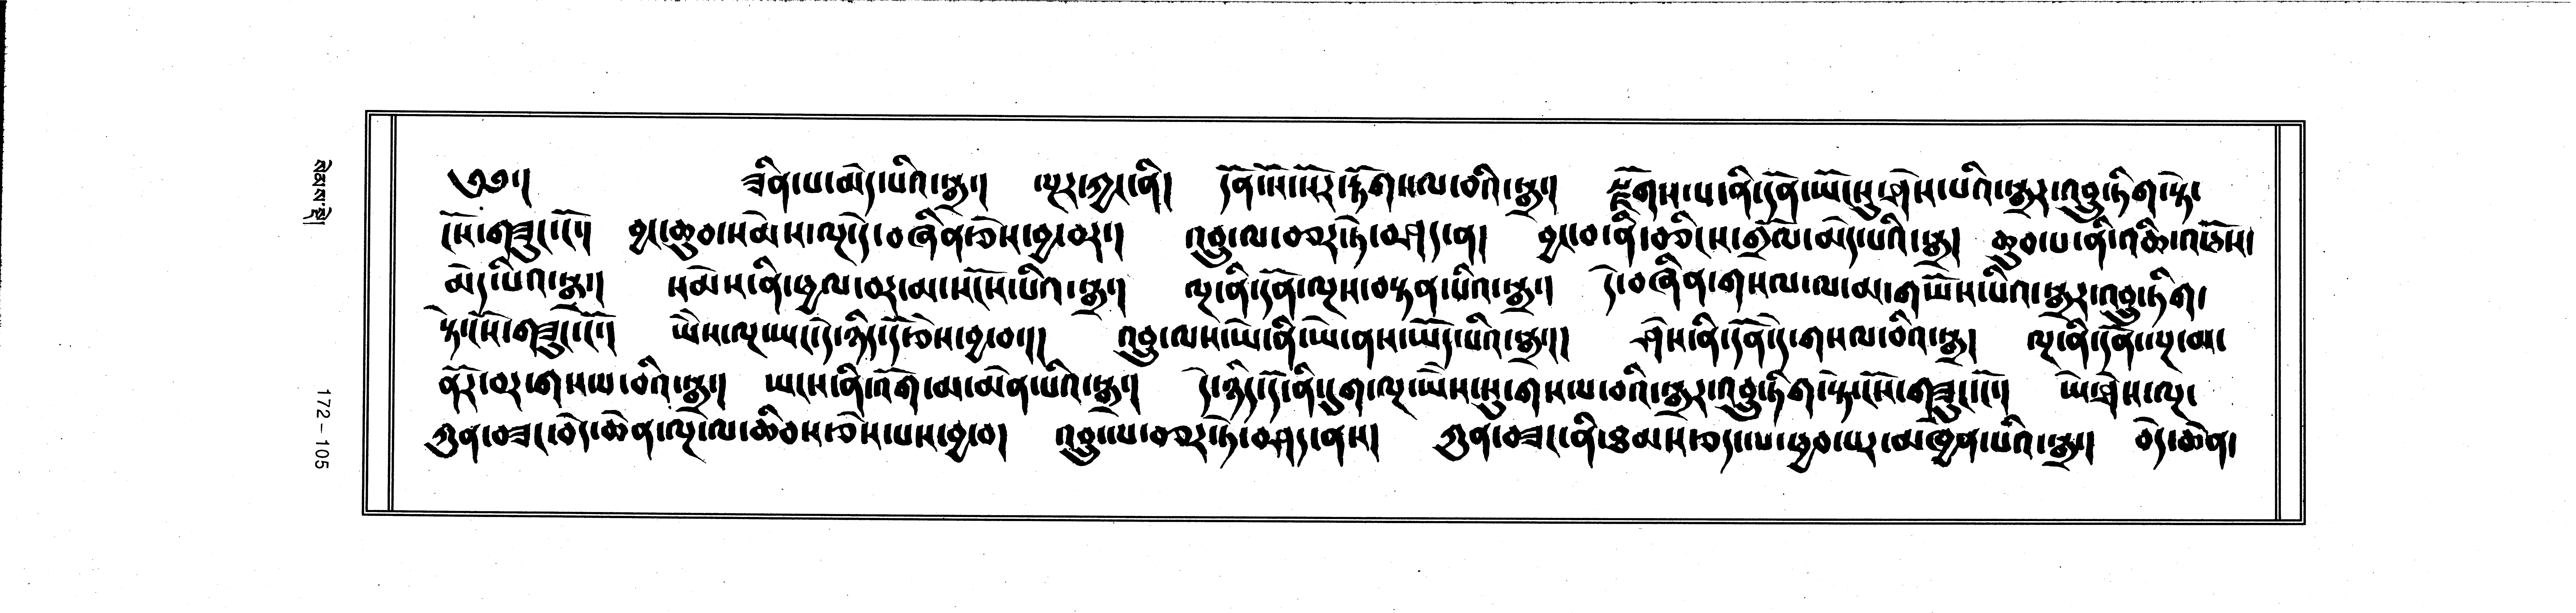ཟིན་པ་མེད་པའི་སྒྲ། ལྔར་ཀྱང་ནི། དོན་སོ་སོར་རྟོགས་གསལ་བའི་སྒྲ། རྫོགས་པ་ནི་དོན་ཡོངས་སུ་ཤེས་པའི་སྒྲར་འབྲུ་ཏིག་སྟེ་
ངོས་གཟུང་ངོ་། བྱང་ཆུབ་སེམས་ལྔ་དེ་བཞིན་ཅེས་བྱ་བར། འབྲུ་ལ་བཅར་ཏེ་བཤད་ན། བྱང་བ་ནི་བཅིངས་གྲོལ་མེད་པའི་སྒྲ། ཆུབ་པ་ནི་འཆི་འཕོས་
མེད་པའི་སྒྲ། སེམས་ནི་ཕྱལ་བར་མ་སོངས་པའི་སྒྲ། ལྔ་ནི་དོན་ལྔས་བསྟན་པའི་སྒྲ། དེ་བཞིན་གསལ་ལ་མ་གཡོས་པའི་སྒྲར་འབྲུ་ཏིག་
སྟེ་ངོས་གཟུང་ངོ་། ཡེ་ཤེས་ལྔ་ཡང་དེ་བཞིན་ཉིད་དོ་ཅེས་བྱ་བ། འབྲུ་ལས་ཡེ་ནི་ཡེ་ནས་ཡོད་པའི་སྒྲ། ཤེས་ནི་དོན་དེ་གསལ་བའི་སྒྲ། ལྔ་ན་དོན་ལྔ་མ་
ནོར་བར་གསལ་བའི་སྒྲ། ཡངས་ན་འོག་མ་མེན་པའི་སྒྲ། དེ་ཉིད་དོ་ནི་དུག་ལྔ་ཡེ་ཤེས་སུ་གསལ་བའི་སྒྲར་འབྲུ་ཏིག་སྟེ་ངོས་གཟུང་ངོ་། ཡེ་ཤེས་ལྔ་
ཀུན་བཟང་བདེ་ཆེན་ལྔ་ལ་ཆིབས་ཅེས་པས་བྱ་བ། འབྲུ་ལ་བཅར་ཏེ་བཤད་ནས། ཀུན་བཟང་ནི་ཐམས་ཅད་ལ་ཕྱབ་པར་མཁྱེན་པའི་སྒྲ། བདེ་ཆེན་